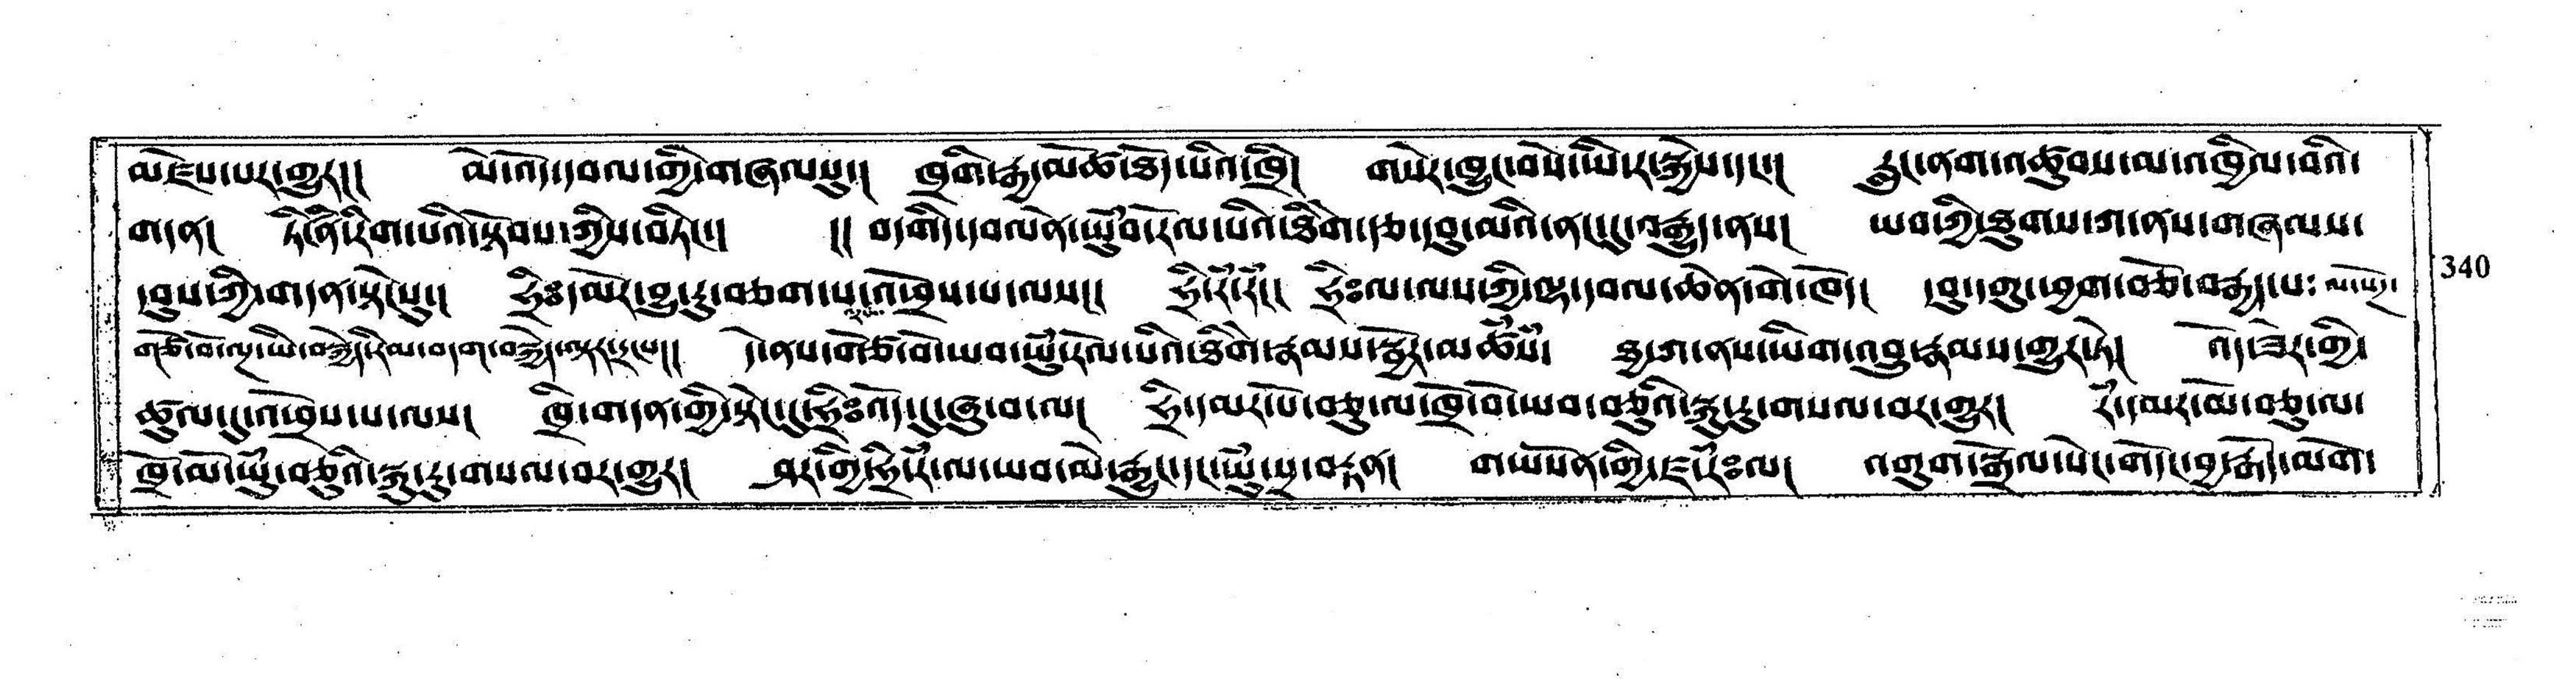མཛེས་པར་གྱུར།། མེ་འོད་དབལ་གྱི་གཞལ་ཡས་སུ། ཁྲག་གི་རྒྱ་མཚོ་ཐོད་པའི་ཁྲི། གསེར་ཁྱུང་བསེ་ཡི་ར་སྐྱེས་དང་། རླུང་ནག་འཚུབས་མ་འཁྱིལ་བའི་
གདན། ཏིང་འཛིན་རིག་པའི་སྟོབས་ཀྱིས་བཏིང་། །།བདག་ཉིད་དབལ་ཆེན་ཡབ་ཡུམ་རོལ་པའི་ཐིག་ལེ་རྩ་དབུ་མའི་ནང་དུ་བརྒྱུད་ནས། ཡབ་ཀྱི་ཐུགས་ཀ་ནས་གཞལ་ཡས་
དབུས་ཀྱི་གདན་སྟེངས་སུ། ཧྲིཿདམར་པོ་བྱུ་རུ་བཅག་པ་་་འདྲ་བ་་འཕྲོས་པ་ལས།། ཧྲི་རཾ་རཾ།། ཧྲིཿལ་ལས་ཀྱི་ལྷ་དབལ་ཆེན་གེ་ཁོད། དབུ་དགུ་ཕྱག་བཅོ་བརྒྱད་པ་ལ་སོགས་
གཙོ་བོ་ལྔ་ཡི་བསྐྱེད་རིམ་བདག་བསྐྱེད་ལྟར་དྲངས།། དེ་ནས་གཙོ་བོ་ཡབ་ཡུམ་རོལ་པའི་ཐིག་ལེ་རྣམས་སྦྱོར་མཚམས། ཐུགས་ཀ་ནས་ཡིག་འབྲུ་རྣམས་གྱུར་ཏེ། འོད་ཟེར་གྱི་
ཚུལ་དུ་འཕྲོས་པ་ལས། ཁྲི་གདན་གྱི་སྟེང་དུ་ཧྲིཿའོད་དུ་ཞུ་བ་ལ། ཧྲི་དམར་པོ་བཅུ་ལ་ཁྲོ་བོ་ཡབ་བཅུའི་སྐུ་རུ་གསལ་བར་གྱུར། རཾ་དམར་མོ་བཅུ་ལ་
ཁྲོ་མོ་ཡུམ་བཅུའི་སྐུ་རུ་གསལ་བར་གྱུར། ཤར་གྱི་ཧྲི་རཾ་ལ་ཡབ་མེ་རྒྱུང་དང་ཡུམ་སྲ་བརྟན། གཡས་གཡོན་གྱི་ཛ་རཾཿལ། འགུག་སྒྲོལ་སེང་གདོང་བྱ་རྒོད་མགོ་